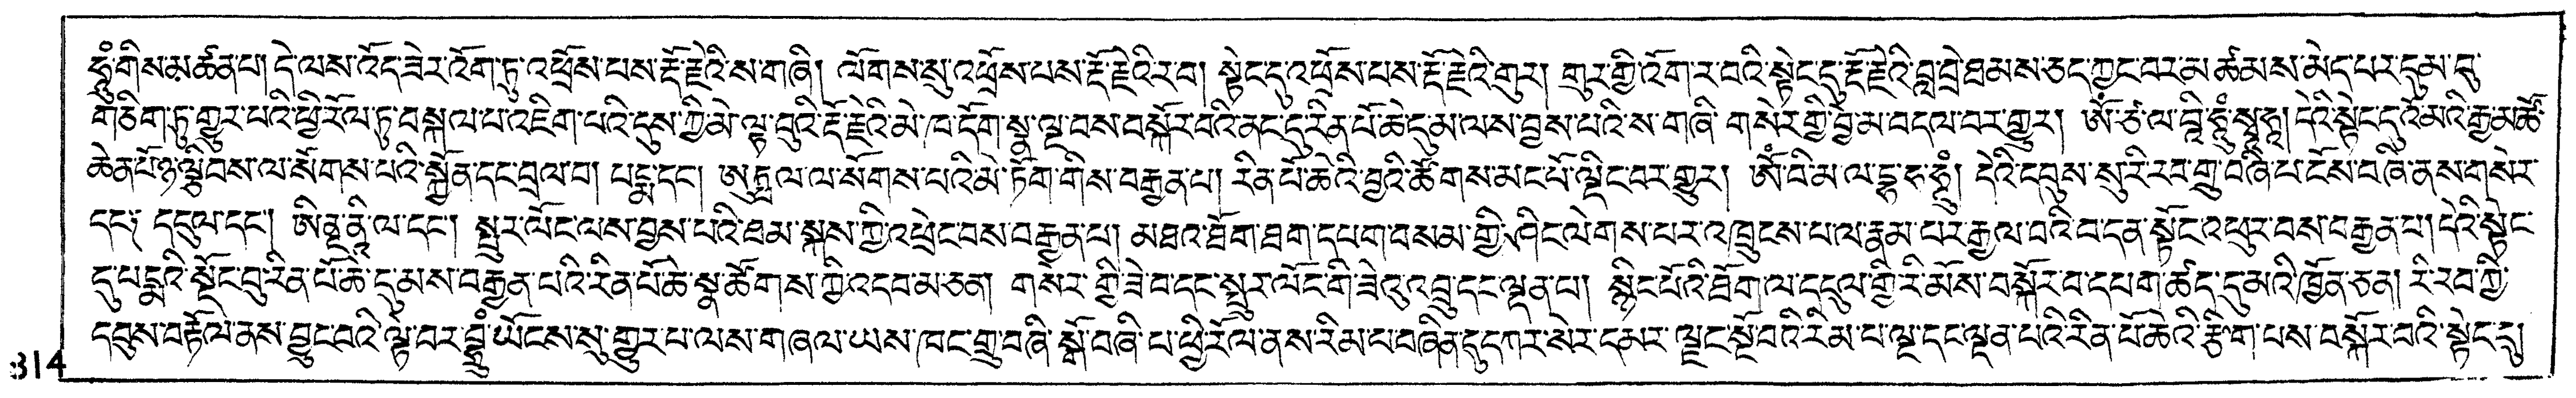ཧཱུཾ་གིས་མཚན་པ། དེ་ལས་འོད་ཟེར་འོག་ཏུ་འཕྲོས་པས་རྡོ་རྗེའི་ས་གཞི། ལོགས་སུ་འཕྲོས་པས་རྡོ་རྗེའི་ར་བ། སྟེང་དུ་འཕྲོས་པས་རྡོ་རྗེའི་གུར། གུར་གྱི་འོག་ར་བའི་སྟེང་དུ་རྡོ་རྗེའི་བླ་བྲེ་ཐམས་ཅད་ཀྱང་བར་མཚམས་མེད་པར་དུམ་བུ་
གཅིག་ཏུ་གྱུར་པའི་ཕྱི་རོལ་ཏུ་བསྐལ་པ་འཇིག་པའི་དུས་ཀྱི་མེ་ལྟ་བུའི་རྡོ་རྗེའི་མེ་ཁ་དོག་སྣ་ལྔ་བས་བསྐོར་བའི་ནང་དུ་རིན་པོ་ཆེ་དུ་མ་ལས་བྱས་པའི་ས་གཞི་གསེར་གྱི་བྱེ་མ་བདལ་བར་གྱུར། ཨོཾ་ཙ་ལ་བཱི་ཧཱུཾ་སྭཱཧཱ། དེའི་སྟེང་དུ་འོ་མའི་རྒྱ་མཚོ་
ཆེན་པོ་ཉ་ལྕིབས་ལ་སོགས་པའི་སྐྱོན་དང་བྲལ་བ། པདམ་དང་། ཨུཏྤལ་ལ་སོགས་པའི་མེ་ཏོག་གིས་བརྒྱན་པ། རིན་པོ་ཆེའི་བྱའི་ཚོགས་མང་པོ་ལྡིང་བར་གྱུར། ཨོཾ་བི་མ་ལ་དྷ་ཧ་ཧཱུཾ། དེའི་དབུས་སུ་རི་རབ་གྲུ་བཞི་པ་ངོས་བཞི་ནས་གསེར་
དང༑ དངུལ་དང་། ཨིནྡ་ནཱི་ལ་དང་། སྤུར་ལོང་ལས་བྱས་པའི་ཐམ་སྐས་ཀྱི་འཕྲེང་བས་བརྒྱན་པ། མཐའ་ཐོག་ཐག་དཔག་བསམ་གྱི་ཤིང་ལེགས་པར་འཁྲུངས་པ་ལ་རྣམ་པར་རྒྱལ་བའི་བ་དན་སྟོང་འཕུར་བས་བརྒྱན་པ། དེའི་སྟེང་
དུ་པདམའི་སྡོང་བུ་རིན་པོ་ཆེ་དུ་མས་བརྒྱན་པའི་རིན་པོ་ཆེ་སྣ་ཚོགས་ཀྱི་འདབ་མ་ཅན། གསེར་གྱི་ཟེ་བ་དང་སྤུར་ལོང་གི་ཟེའུ་འབྲུ་དང་ལྡན་པ། སྙིང་པོའི་ཐོག་ལ་དངུལ་གྱི་རི་མོས་བསྐོར་བ་དཔག་ཚད་དུ་མའི་ཁྱོན་ཅན། རི་རབ་ཀྱི་
དབུས་བརྟོལ་ནས་བྱུང་བའི་ལྟེ་བར་བྷྲུཾ་ཡོངས་སུ་གྱུར་པ་ལས་གཞལ་ཡས་ཁང་གྲུ་བཞི་སྒོ་བཞི་པ་ཕྱི་རོལ་ནས་རིམ་པ་བཞིན་དུ་དཀར་སེར་དམར་ལྗང་སྔོ་བའི་རིམ་པ་ལྔ་དང་ལྡན་པའི་རིན་པོ་ཆེའི་རྩིག་པས་བསྐོར་བའི་སྟེང་དུ།